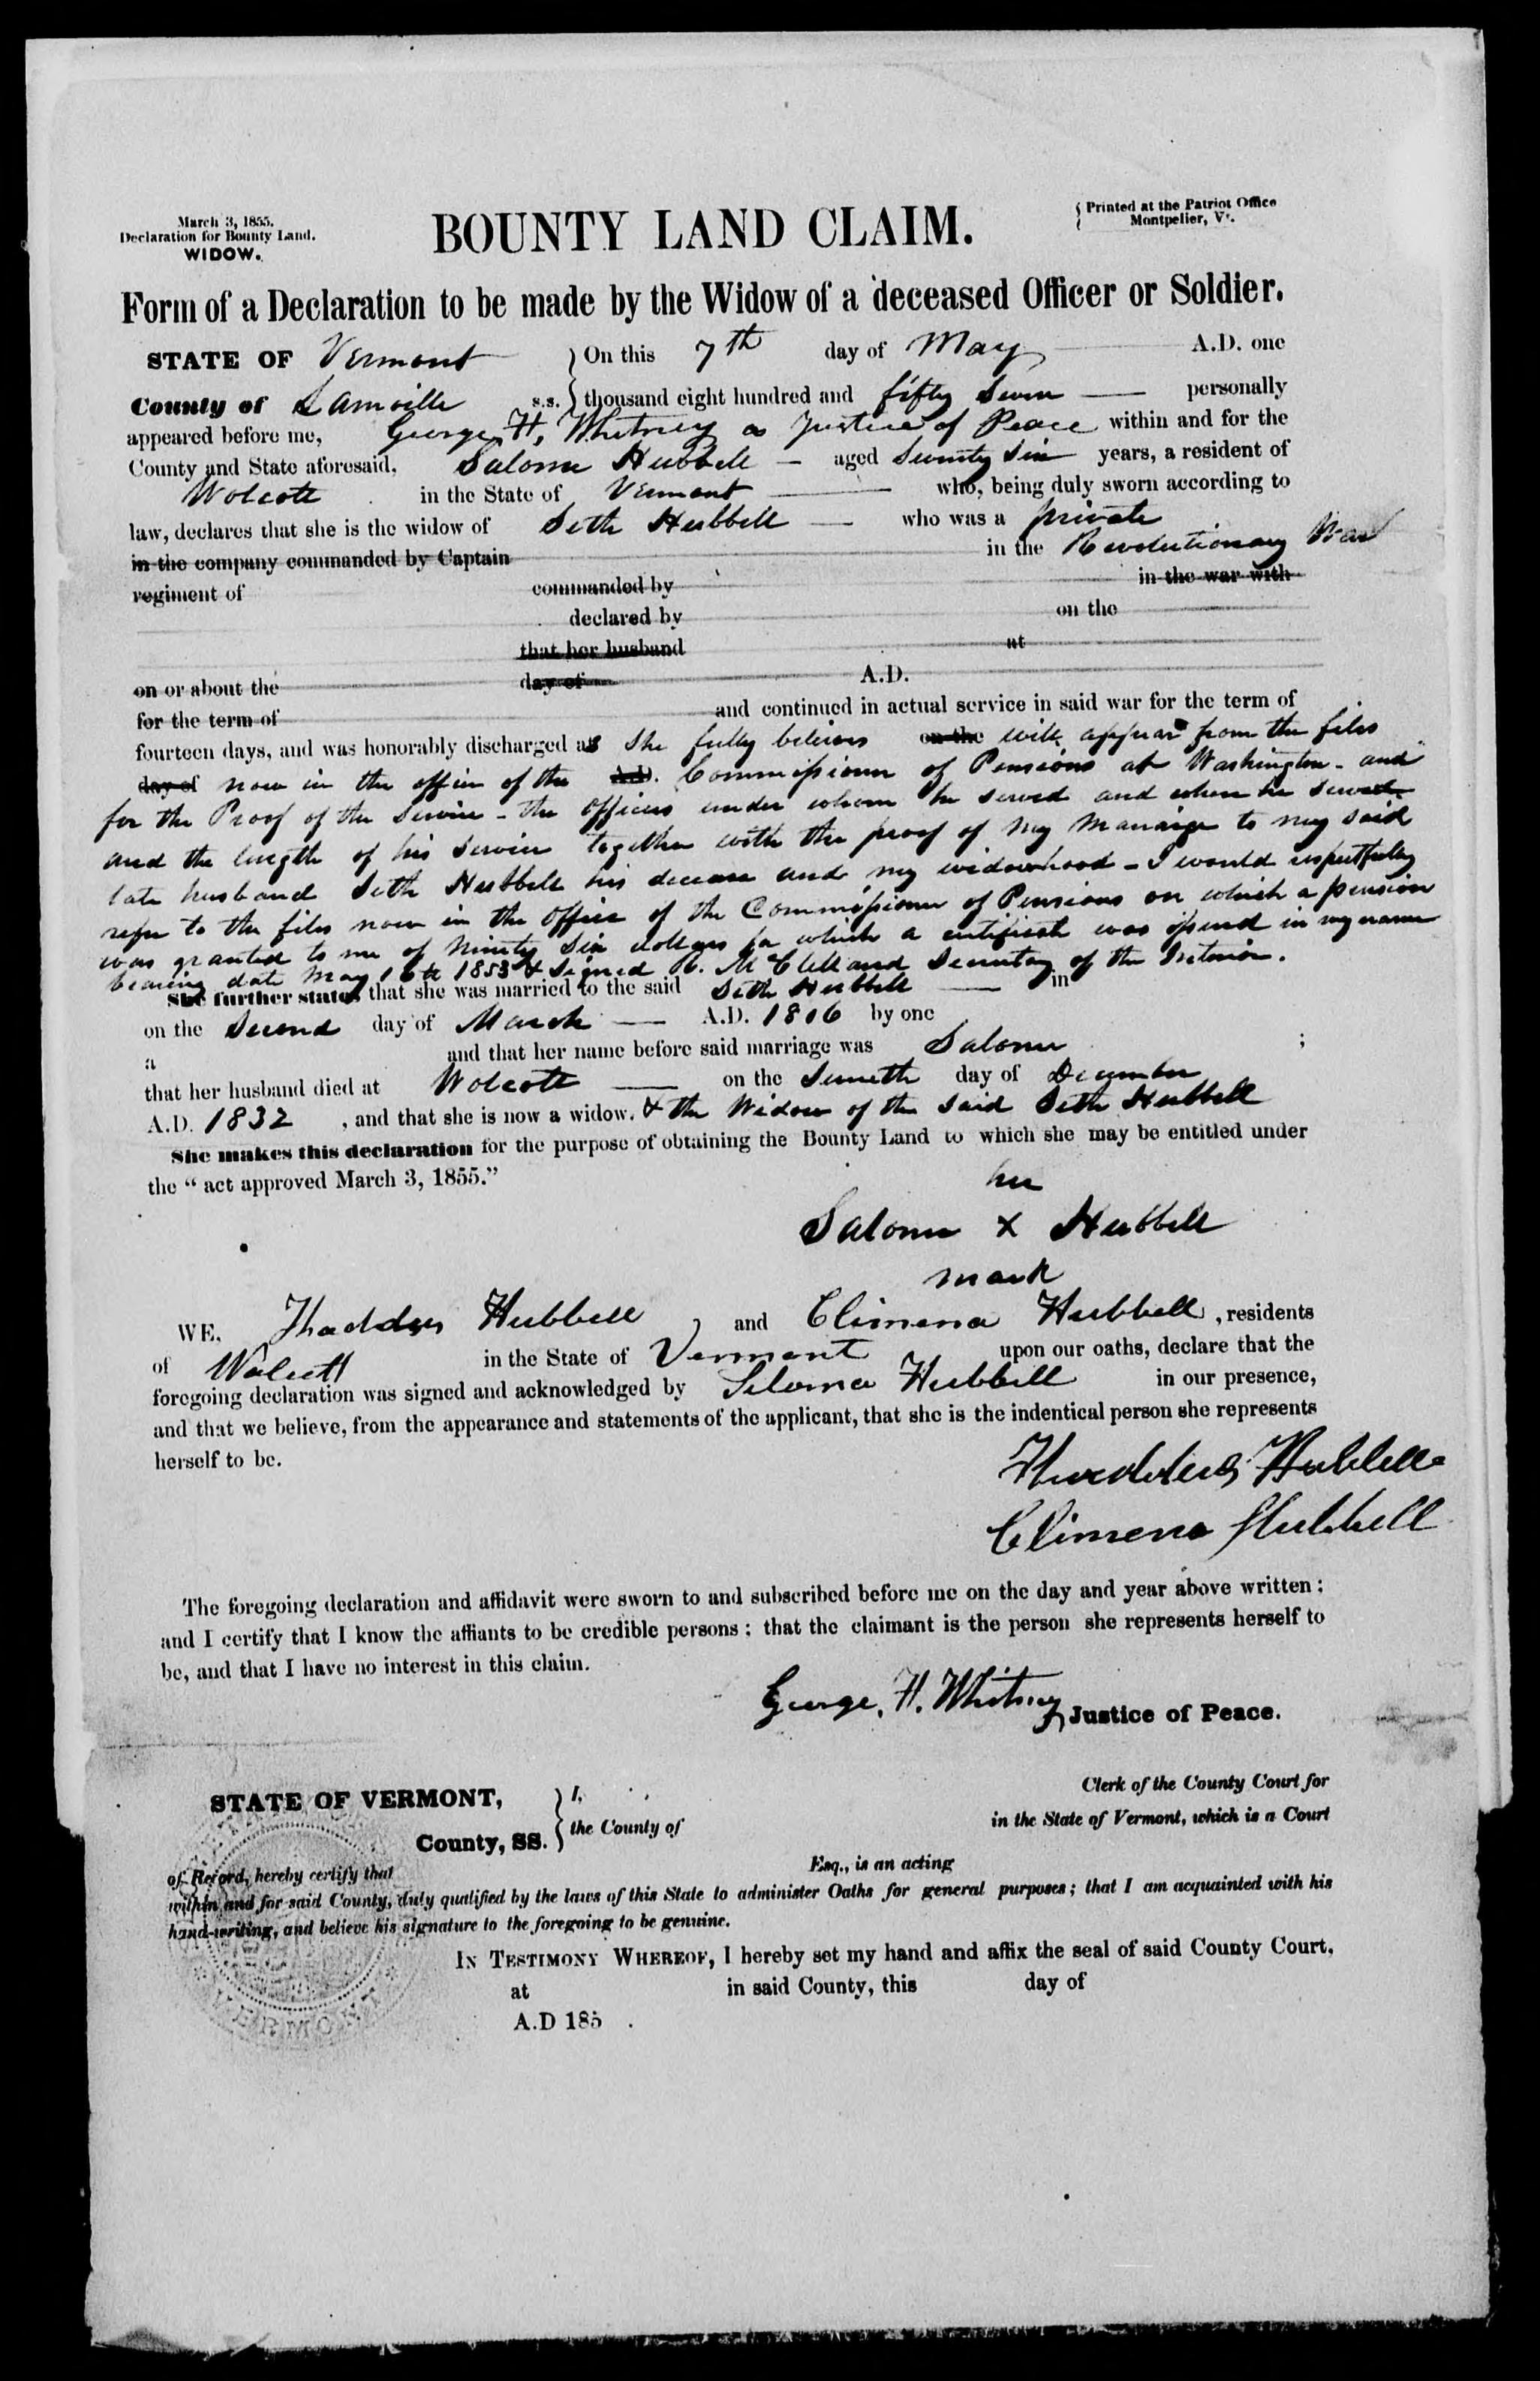March 3, 1855.
Declaration for Bounty Land.
WIDOW.

BOUNTY LAND CLAIM.

{Printed at the Patriot Office Montpelier, V.}

Form of a Declaration to be made by the Widow of a deceased Officer or Soldier.

STATE OF Vermont 
County of Lamoille s.s. 
On this 7th day of May A.D. one thousand eight hundred and fifty seven --- personally appeared before me, George H. Whitney, a Justice of Peace within and for the County and State aforesaid, Salone Hubbell - aged Seventy Six years, a resident of Wolcott in the State of Vermont -- who, being duly sworn according to law, declares that she is the widow of Seth Hubbell-- who was a private in the Revolutionary War [crossed out "in the company commanded by Captain ____ in the ____ regiment of _____ commanded by _____ in the war with ____ declared by _____ on the _____ that her husband _____ at ___ on or about the ____ day of _____ A.D. _____for the term of ____"] and continued in actual service in said war for the term of fourteen days, and was honorably discharged as she fully believes [crossed out "on the"] will appear from the files [crossed out "day of"] now in the office of the Commissioner of Pensionsof Washington and for the Proof of the Service the officers under which he served and when he served and the length of his service together with the proof of my marriage to my said late husband Seth Hubbell his decess and my widowhood. I would expectedly[?] refer to the files now in the Office of the Commissioner of Pensions on which a pension was granted to me of ninety six dollars for which a certificate was opened in my name bearing date May 16th 1853. Signed R. McLelland Secretary of the Interior

She further states that she was married to the said Seth Hubbell ___ in ____ on the second day of March A.D. 1806 by one ____ a _____ and that her name before said marriage was Salome ____; that her husband died at Wolcott on the seventh day of December A.D. 1832, and that she is now a widow. x The widow of the said Seth Hubbell. 

She makes this declaration for the purpose of obtaining the Bounty Land to which she may be entitled under teh "act approved March 3, 1855." 

[signature] Salome Hubbell 

WE, Thaddeus Hubbell and Climena Hubbell, residents of Wolcott in the State of Vermont upon our oaths, declare that the foregoing declaration was signed and acknowledged by Salome Hubbell in our presence, and that we believe, from the appearance and statements of the applicant, that she is the indentical person she represents herself to be. 

Thaddeus Hubbell [signature] 
Climena Hubbell [signature] 

The foregoing declaration and affidavit were sworn to and subscribed before me on the day and year above written: and I certify that I know the affiants to be credible persons: that the claimant is the person she represents herself to be, and that I have no interest in this claim. 

George H. Whitney Justice of Peace [signature] 

STATE OF VERMONT, County, SS. 

I, ______ Clerk of the County Court for the County of ___ in the State of Vermont, which is a Court of Record, hereby certify that ____ Esq., is an acting ____ within and for said County, duly qualified by the laws of this State to administer Oaths for general purposes; that I am acquainted with his hand-writing, and believe his signature to the foregoing to be genuine. IN TESTIMONY WHEREOF, I hereby set my hand and affix the seal of said County  Court, at ___ in said County, this ___ day of ____ A.D. 185_. 

[illegible State of Vermont seal]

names: Seth Hubbell, Thaddus Hubbell, R Mc Clill, Climena Hubbell, Seloma Hubbell, George H Whitney, Salome Hubbell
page: 6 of 114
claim: widow's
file: W. 2115, Seth Hubbell, Conn.